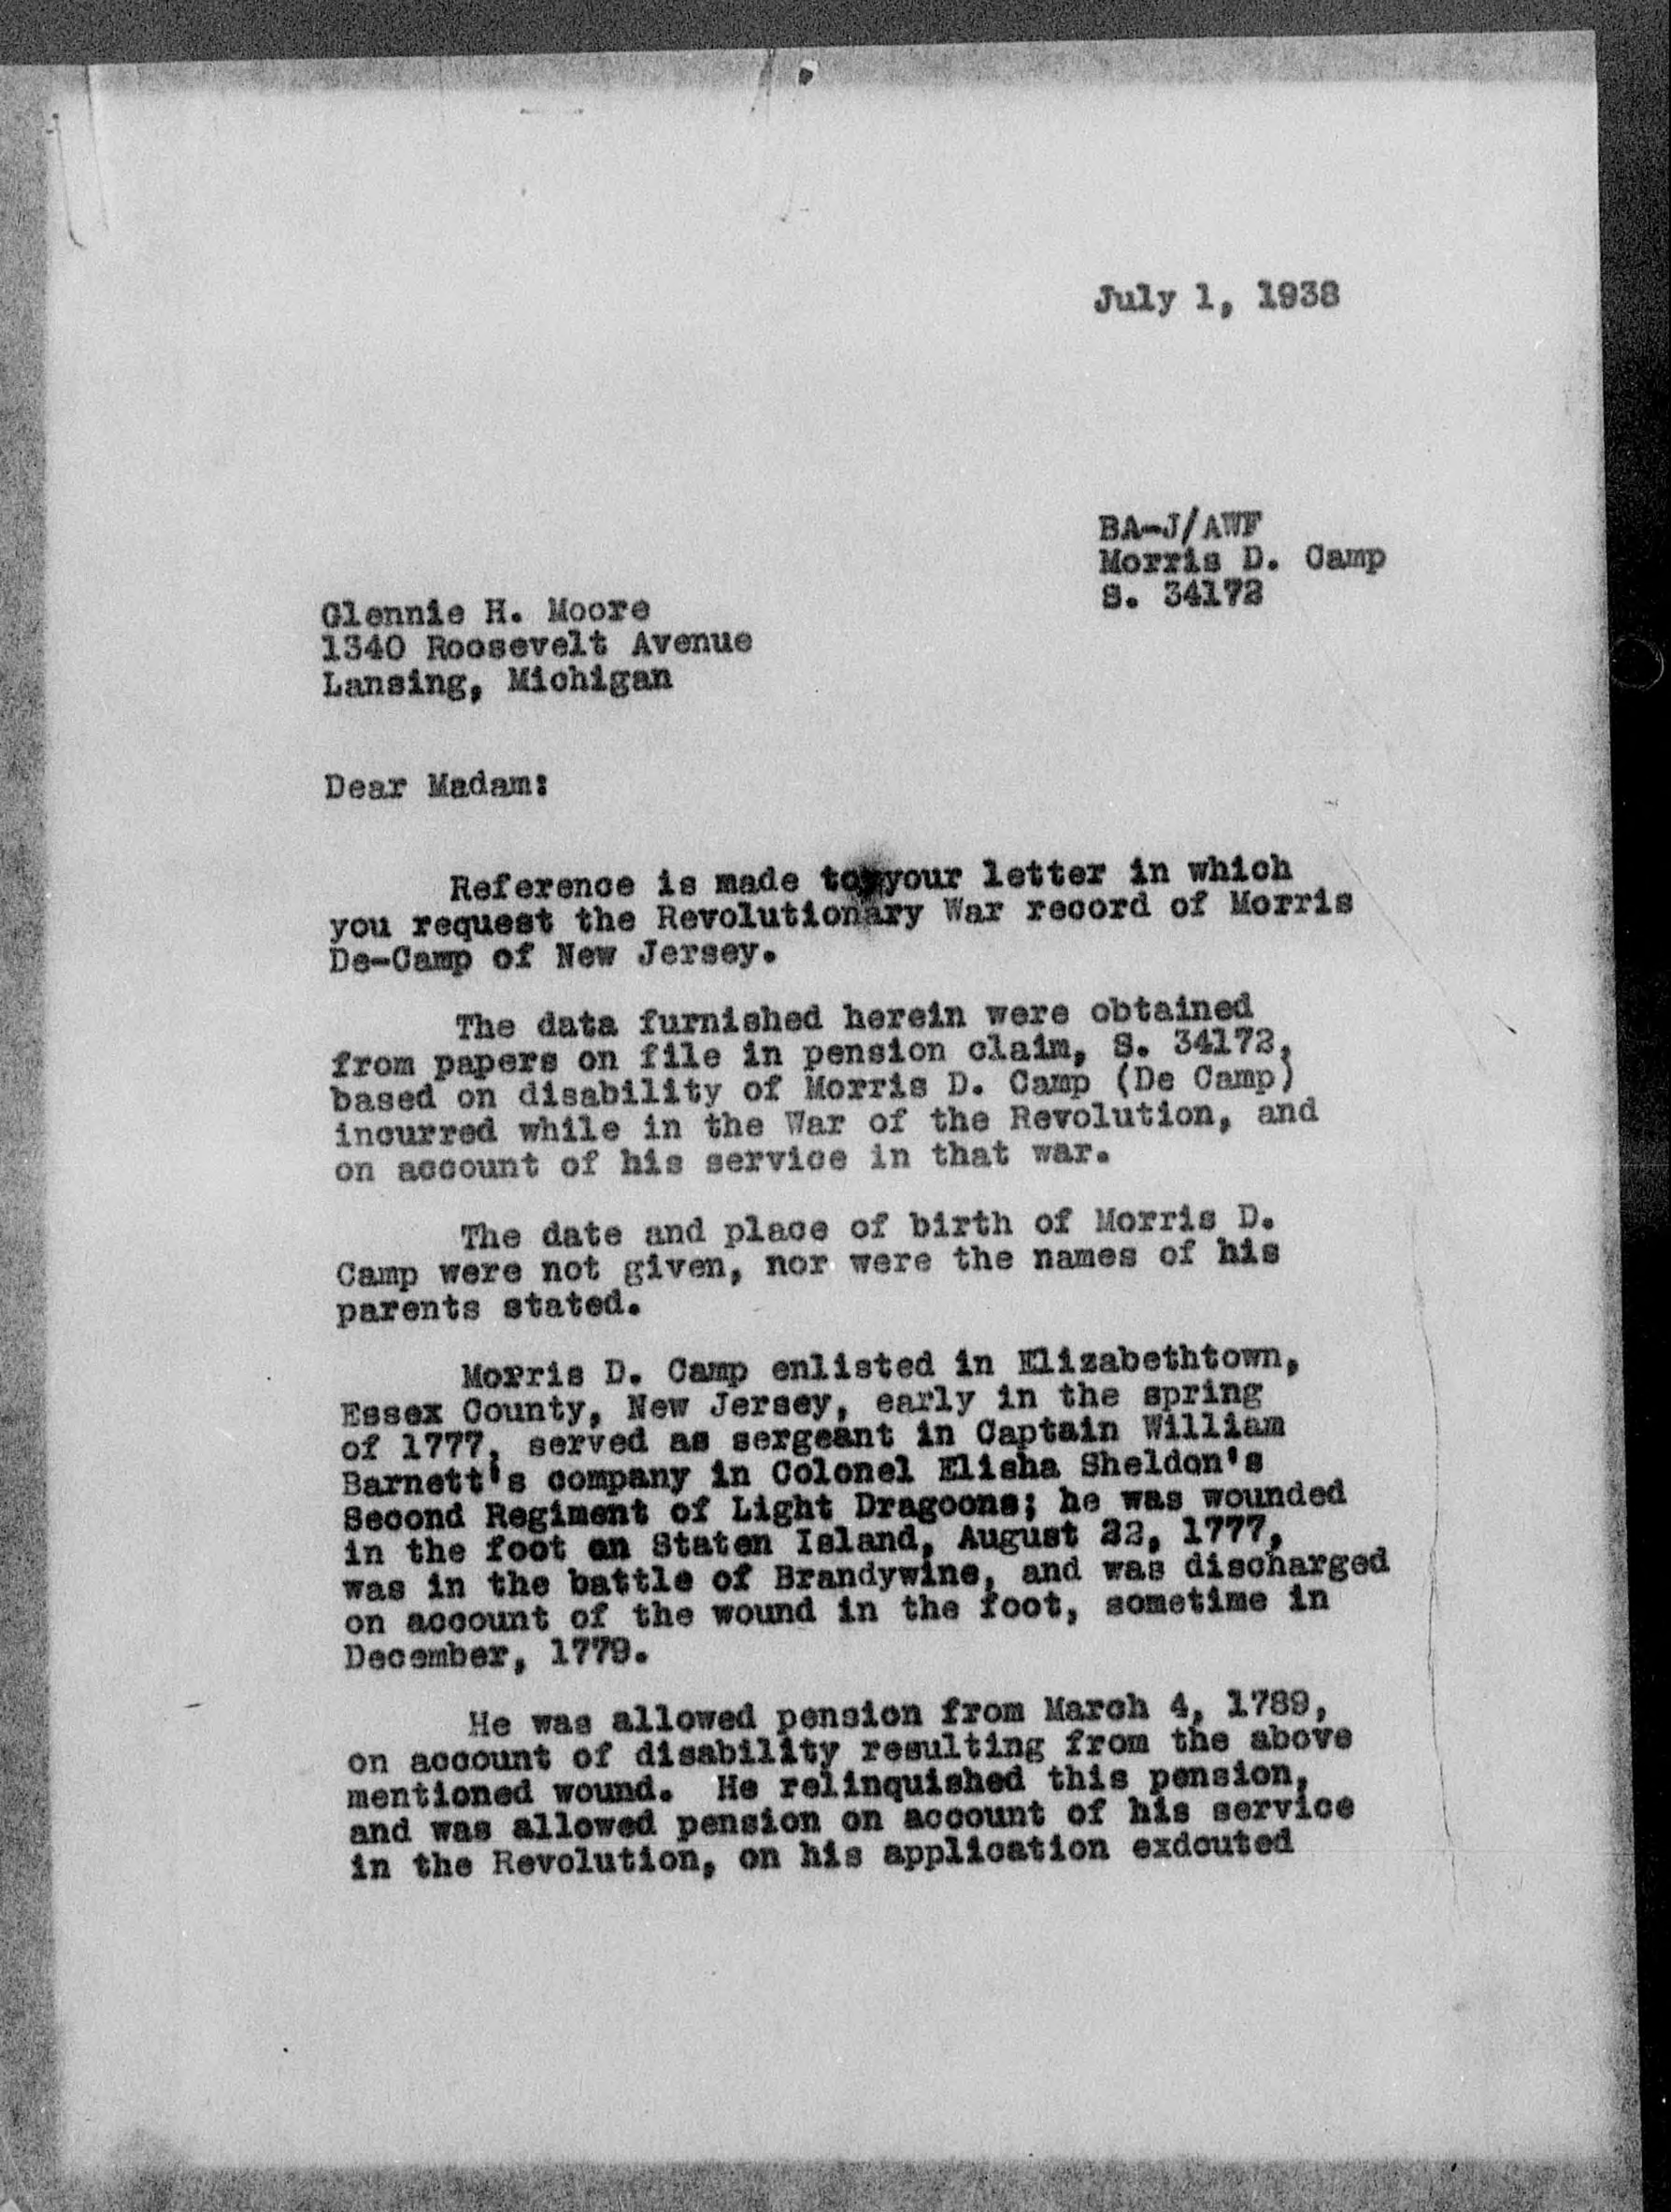July 1, 1938


BA-J/AWF
Morris D. Camp
S. 34172

Glennie H. Moore
1340 Roosevelt Avenue
Lansing, Michigan

Dear Madam:
Reference is made to your letter in which
you request the Revolutionary War record of Morris De-Camp of New Jersey.

The data furnished herein were obtained
from papers on file in pension claim, S. 34272,
based on disability of Morris D. Camp (De Camp) incurred while in the War of the  Revolution, and on account of his service in that war.

The date and place of birth of Morris D.
Camp were not given, nor were the names of his parents stated.

Morris D. Camp enlisted in Elizabethtown,
Essex County, New Jersey, early in the spring
of 1777, served as sergeant in Captain William
Barnett's company in Colonel Elisha Sheldon's
Second Regiment of Light Dragoons; he was wounded in the foot on Staten Island, August 22, 1777, was in the battle of Brandywine, and was discharged on account of the wound in the foot, sometime in December, 1779.

He was allowed pension from March 4, 1789,
on account of disability resulting from the above mentioned wound. He relinquished this pension, and was allowed pension on account of his service in the Revolution, on his application executed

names: Morris De Camp, Morris D Camp, Morris D De Camp, Morris D Camp, Morris D Camp, Morris D Camp, Glennie H Moore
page: 19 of 52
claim: survivor's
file: S. 34172, Morris D Camp, Continental (New Jersey)